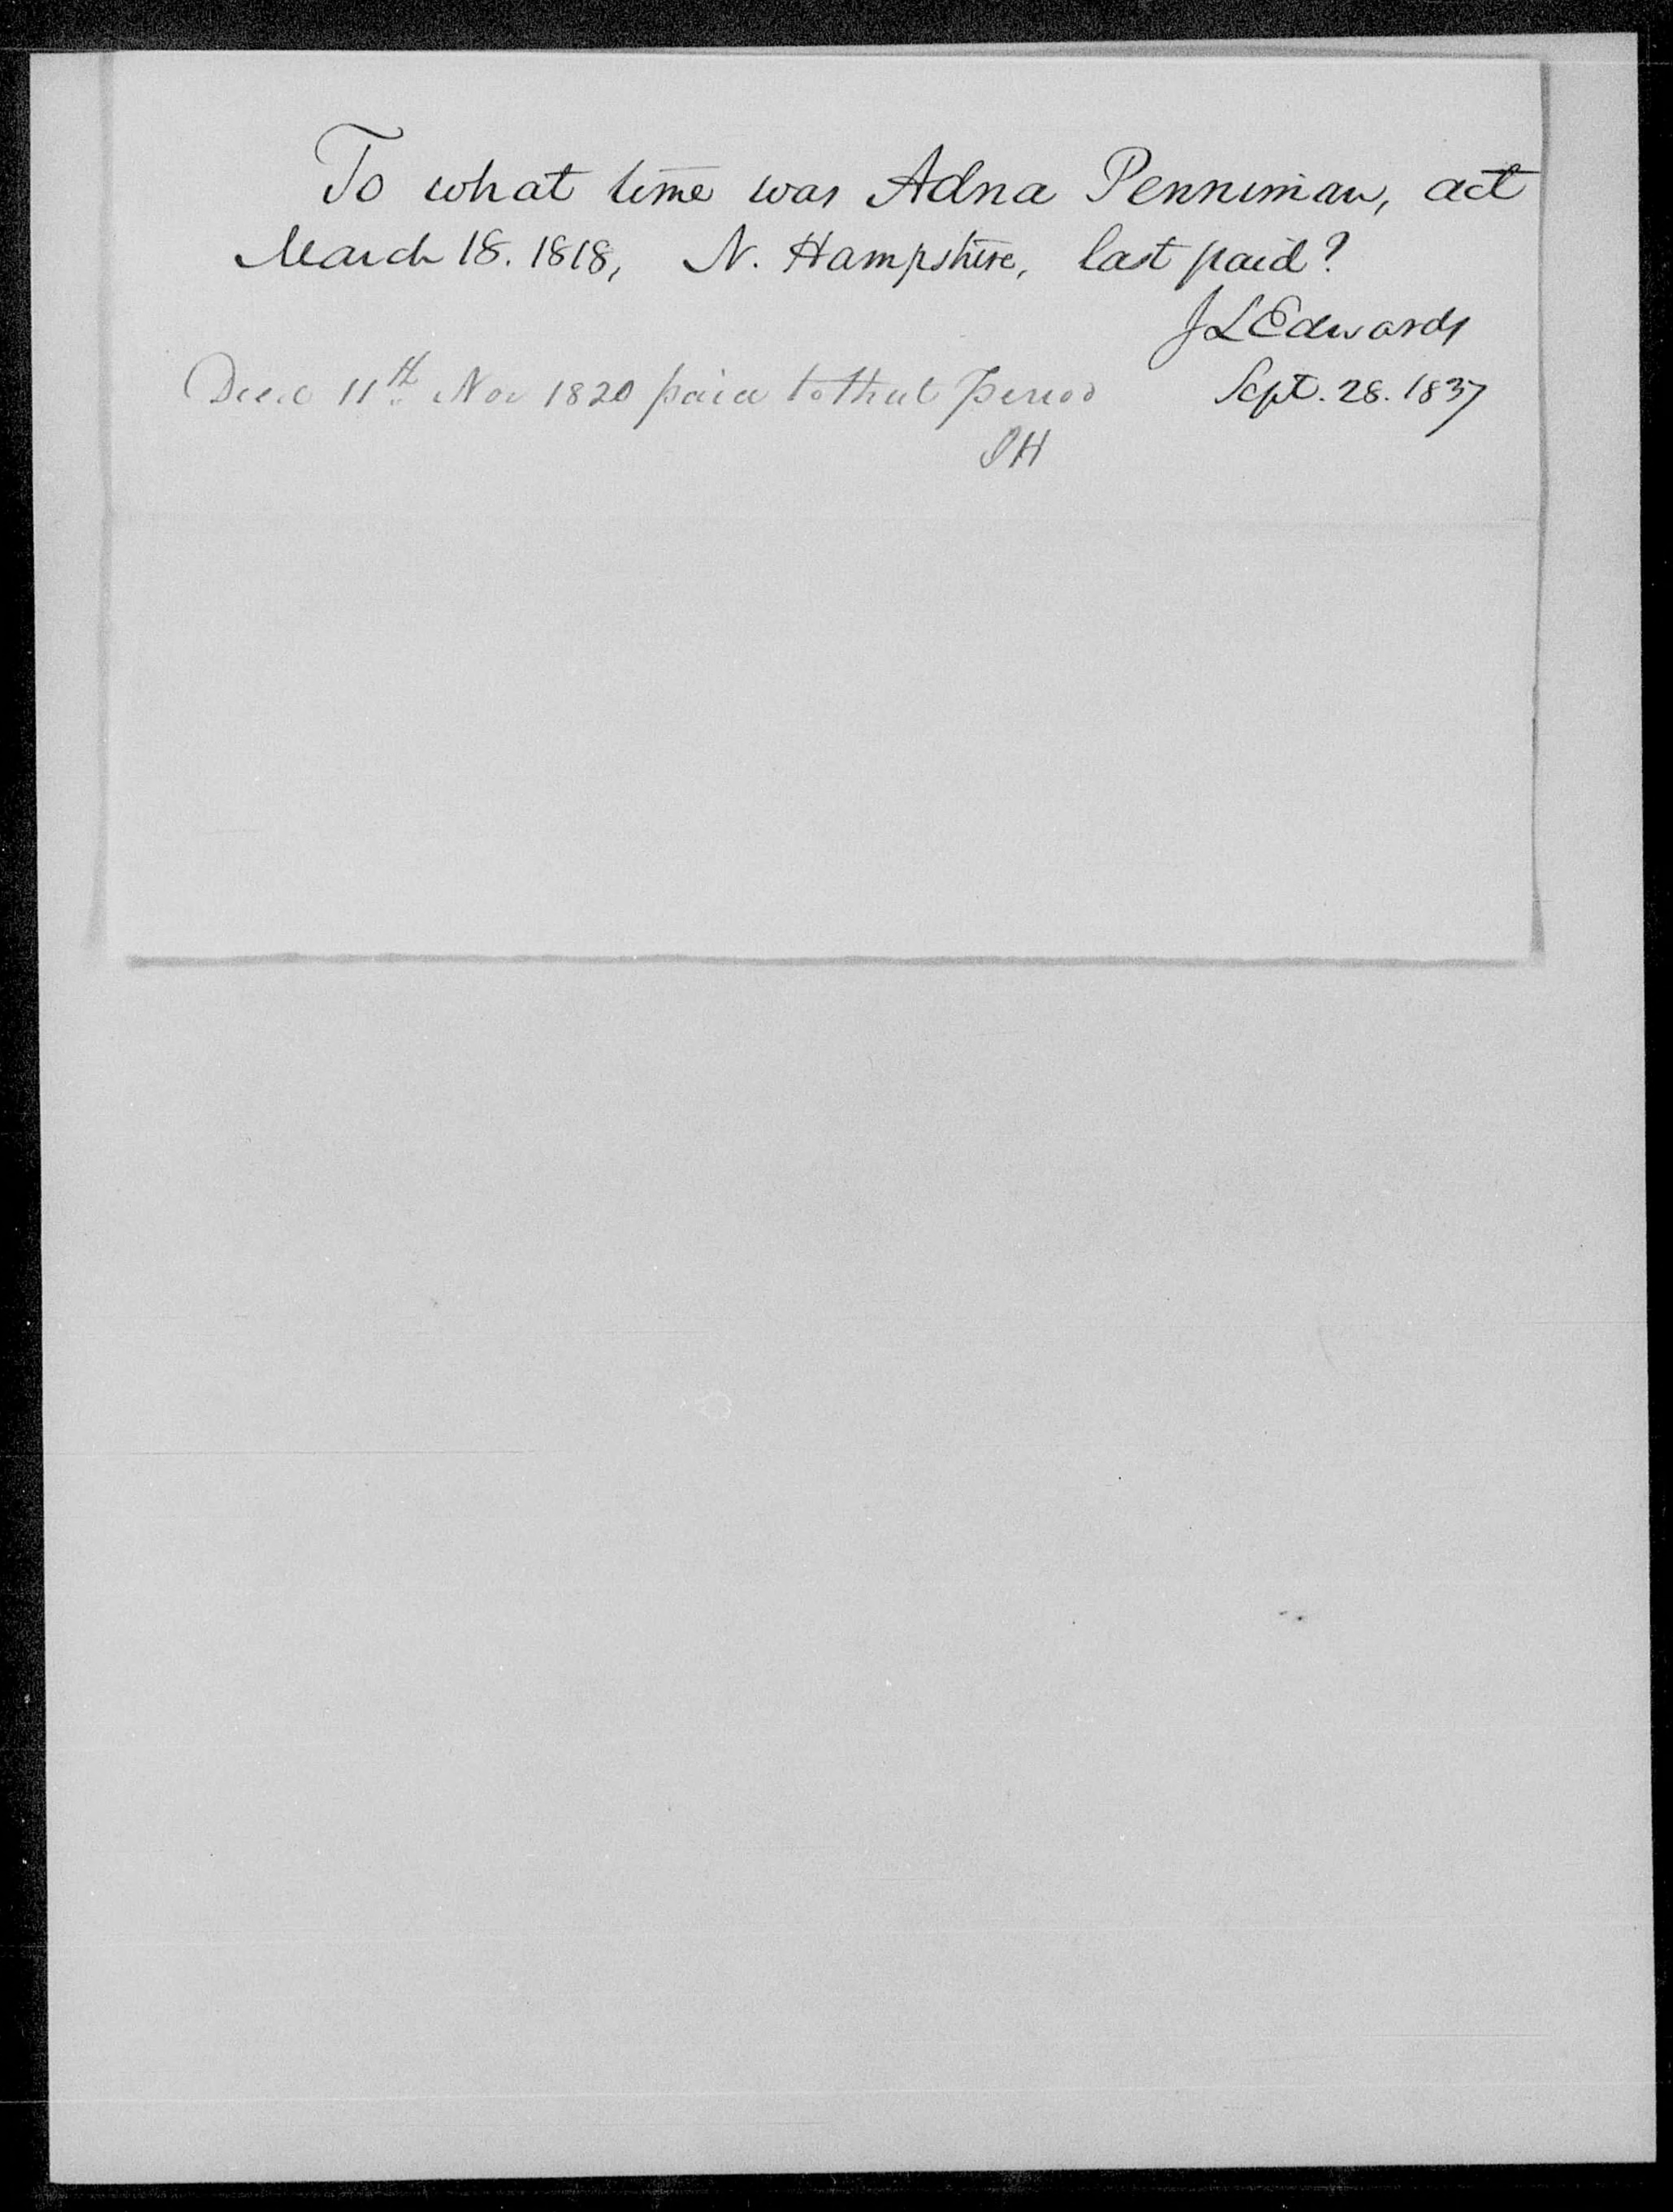To what time was Adna Penniman, act
March 18, 1818, N. Hampshire, last paid?
J L Edwards
Sept. 28. 1837

Died 11th Nov 1820 paid to that period 
JH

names: J L Edwards; Adna Penniman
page: 12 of 13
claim: survivor's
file: S. 45065, for Adna Penniman, Massachusetts